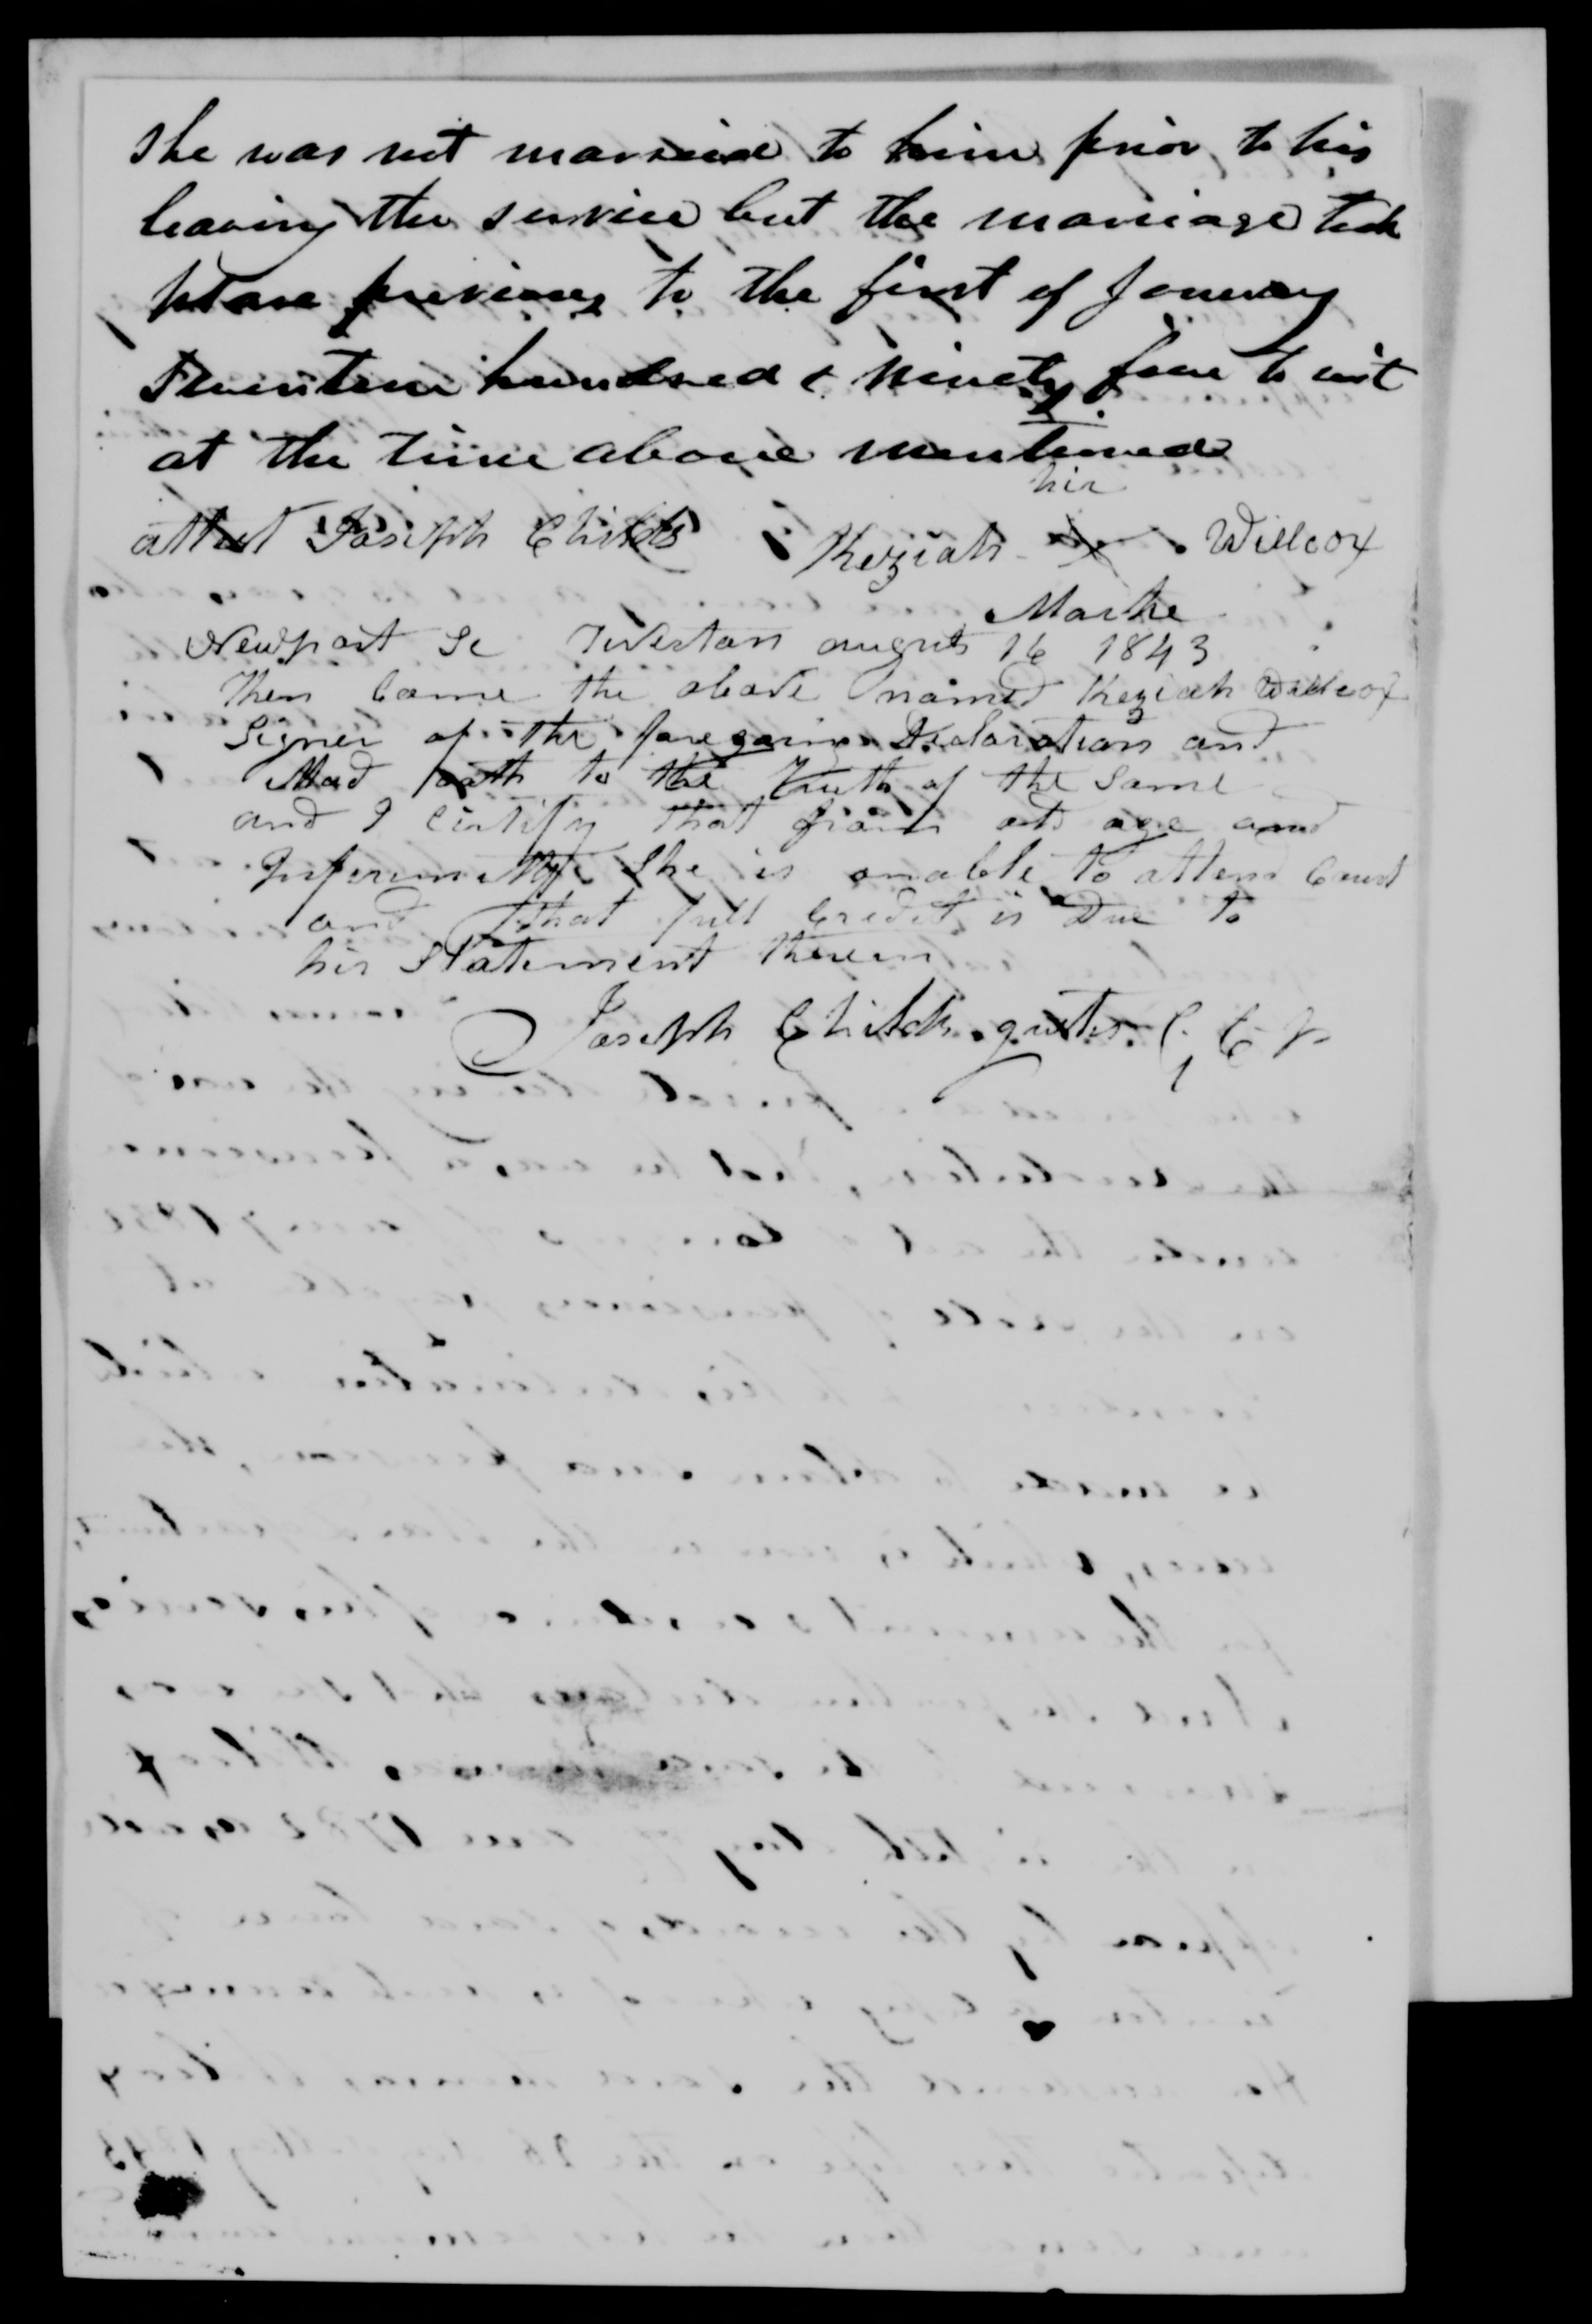she was not married to him prior to his
leaving the service but the marriage took place
previous to the first of January
seventeen hundred & ninety four to wit
at the time above mentioned
attest
Joseph Childs

Keziah Willcox
Marke

Newport Sc Tiverton August 16 1843
Then came the above named Keziah Wilcox
Signer of the fore [illegible] declaration and
and made
oath to the
truth of the same. 
And I certify that a
grant and agree about information. she is unable to attend court and that full credit is due to 
 to
his statement therein
Joseph Childs [illegible] GEP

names: Keziah Willcox, Joseph Childs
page: 6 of 39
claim: widow's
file: W. 26046, Thomas Willcox, R.I.